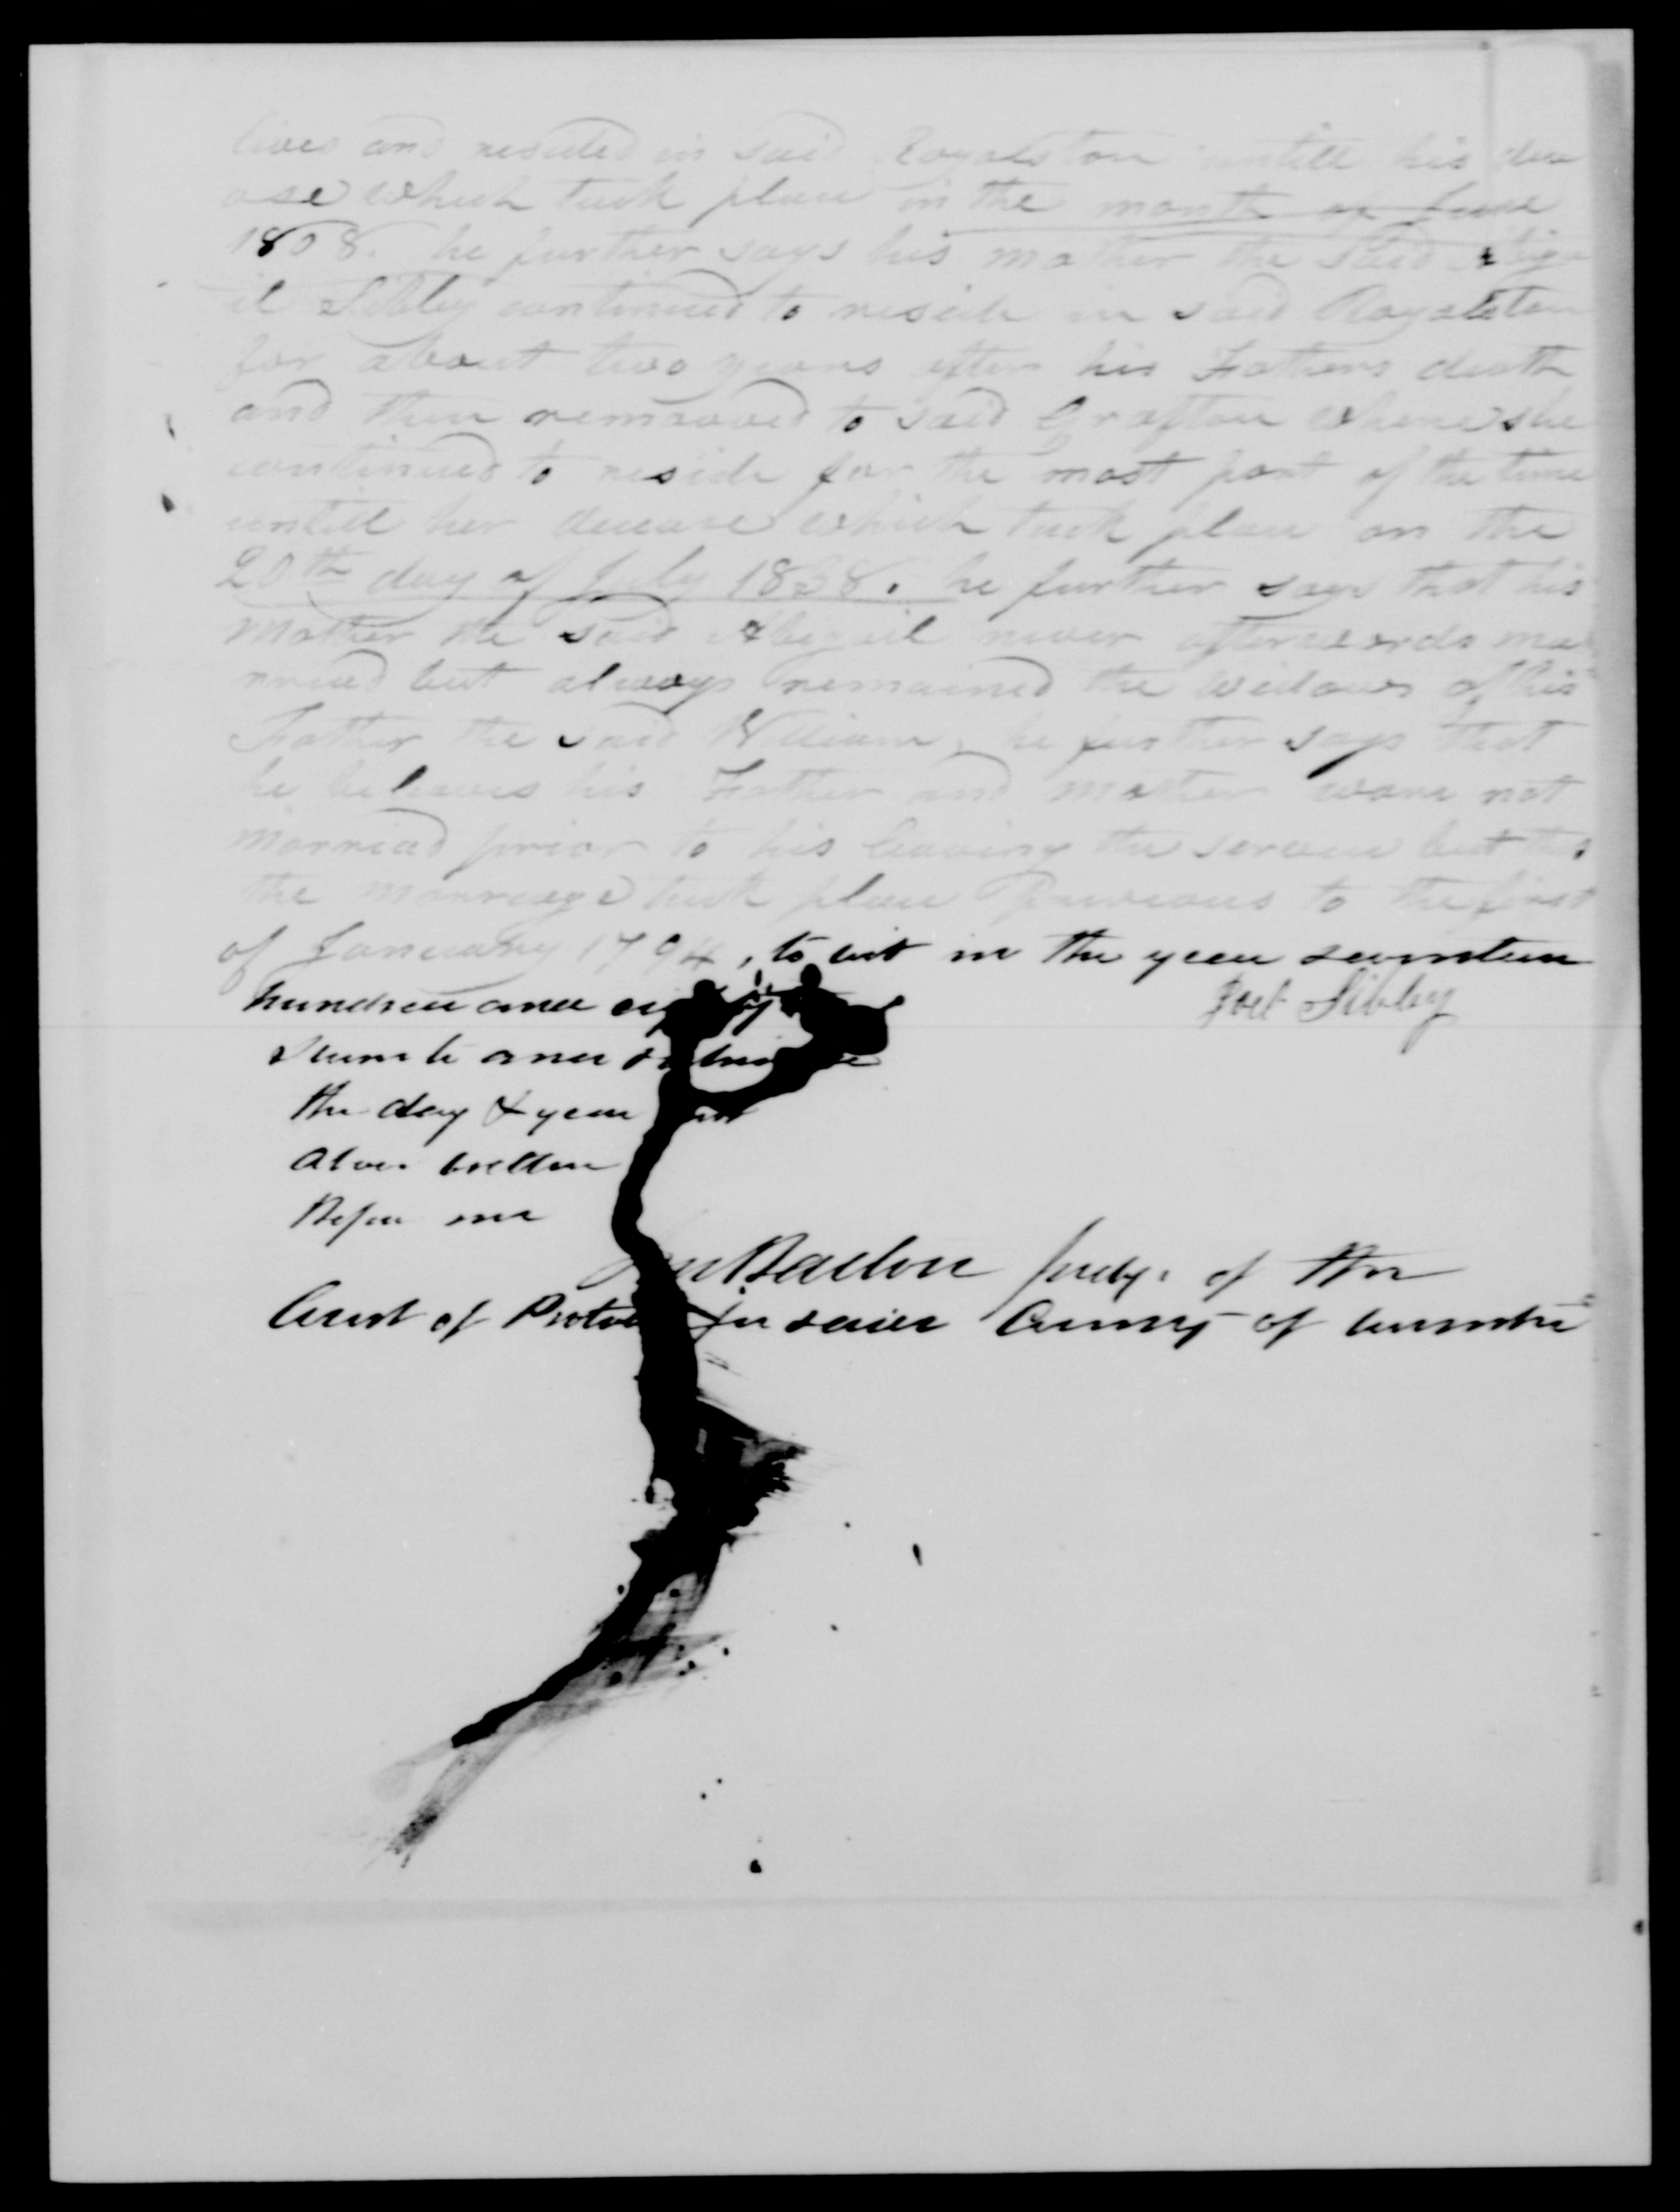lives and resides in said Royalston untill his decease which took place in the month of June 1808. he further says his mother the said Abigail Sibley continues to in said Royalston for about two years after his father's death and then removed to said Grafton where she continued to reside for the most part of the time until her decease which took place on the 20th day of July 1838. he further says that his mother the said Abigail never afterwards married but always remained the widow of his father the said William. he further said that he believes his father and mother were not married prior to his leaving the service but this the marriage took place previous to the first of January 1794, Joel Sibley

to wit in the year seventeen hundred and eighty [illegible]
the day & year [illegible]
Before me
Ira Barton Judge of the Probate for said Army of [illegible]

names: Ira Barton; [BLANK] Sibley; Joel Sibley; Wilson [BLANK]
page: 7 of 24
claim: widow's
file: W. 15,338, for William Sibley, Massachusetts